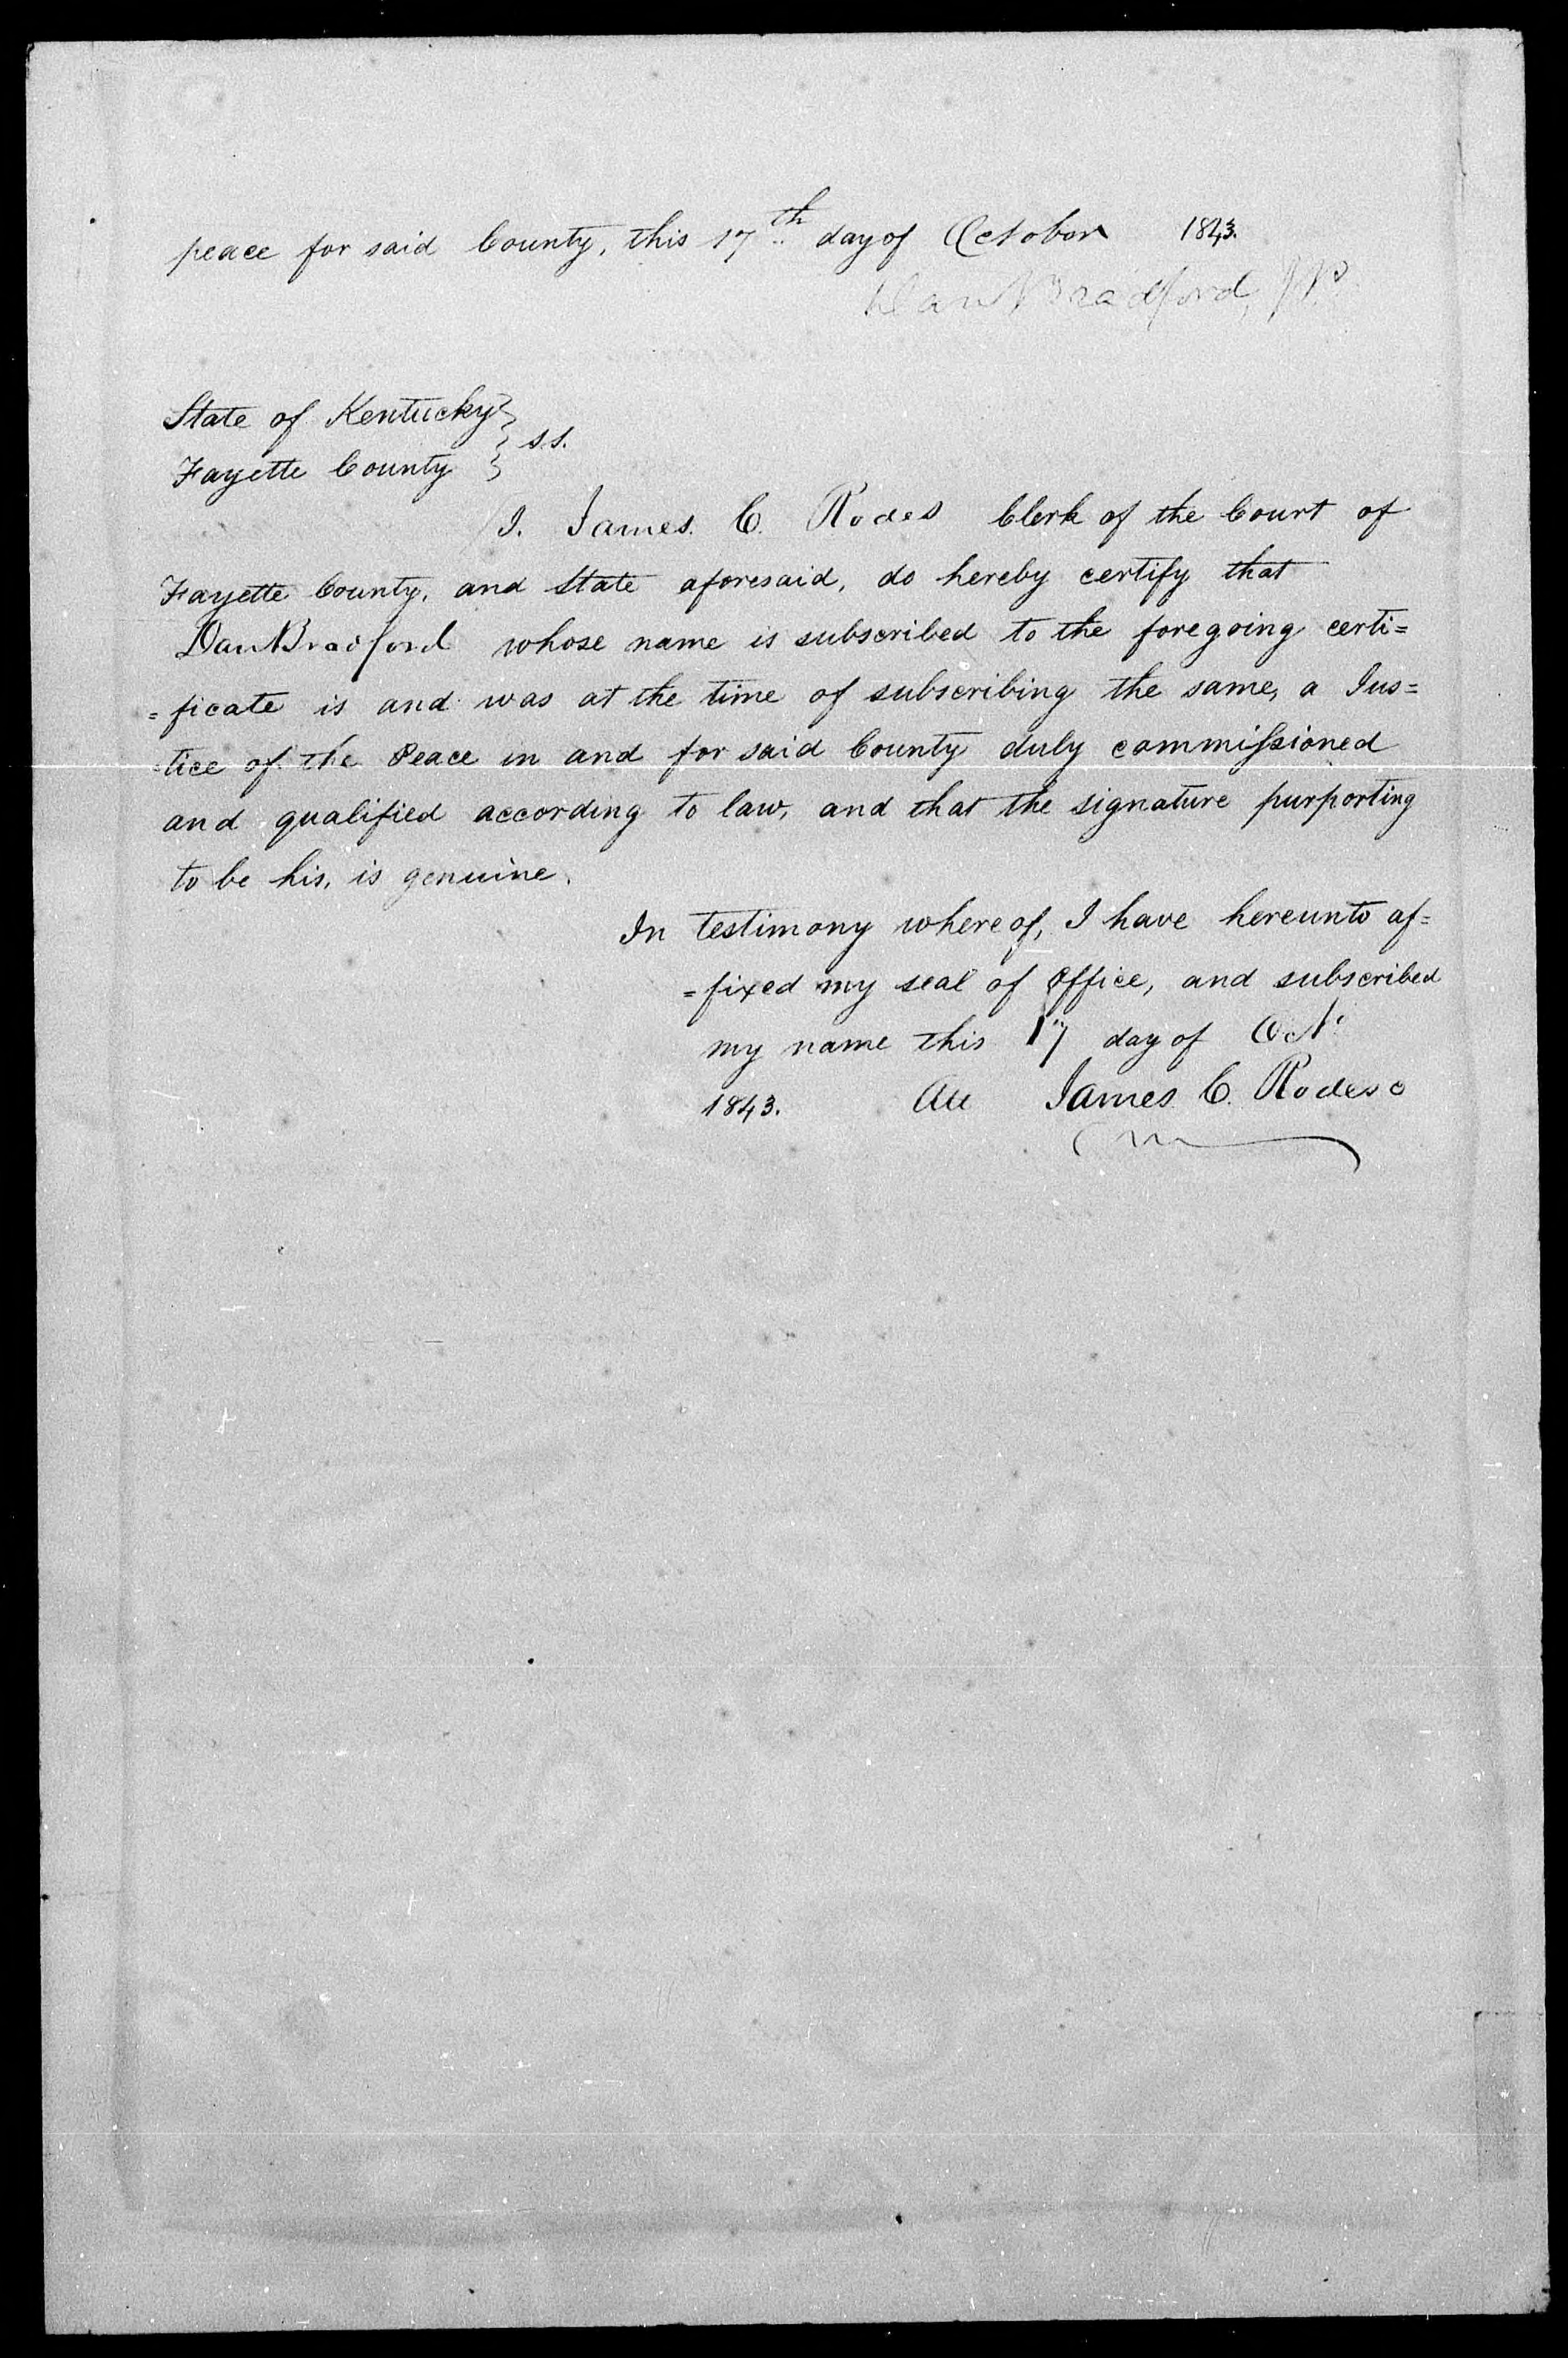Peace for said County, this 17th day of October 1843.
   (signature of David Bradford,)

State of Kentucky
Fayette County     S.S.
I, James C. Rodes Clerk of the Court of
Fayette County, and State aforesaid, do hereby certify that
David Bradford whose name is subscribed to the foregoing certi-
ficate is and was at the time of subscribing the same, a Justice
of the Peace in and for said County duly commissioned and
qualified according to law, and that the signature purporting
to be his, is genuine.
In testimony whereof, I have hereunto 
affixed my seal of office, and subscribed
my name this 17 day of Oct. 1843.
(signature of James C. Rodes)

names: Dan Bradford; James C Rodes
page: 6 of 47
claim: survivor's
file: S. 30578, for John Mc Dowell, Virginia